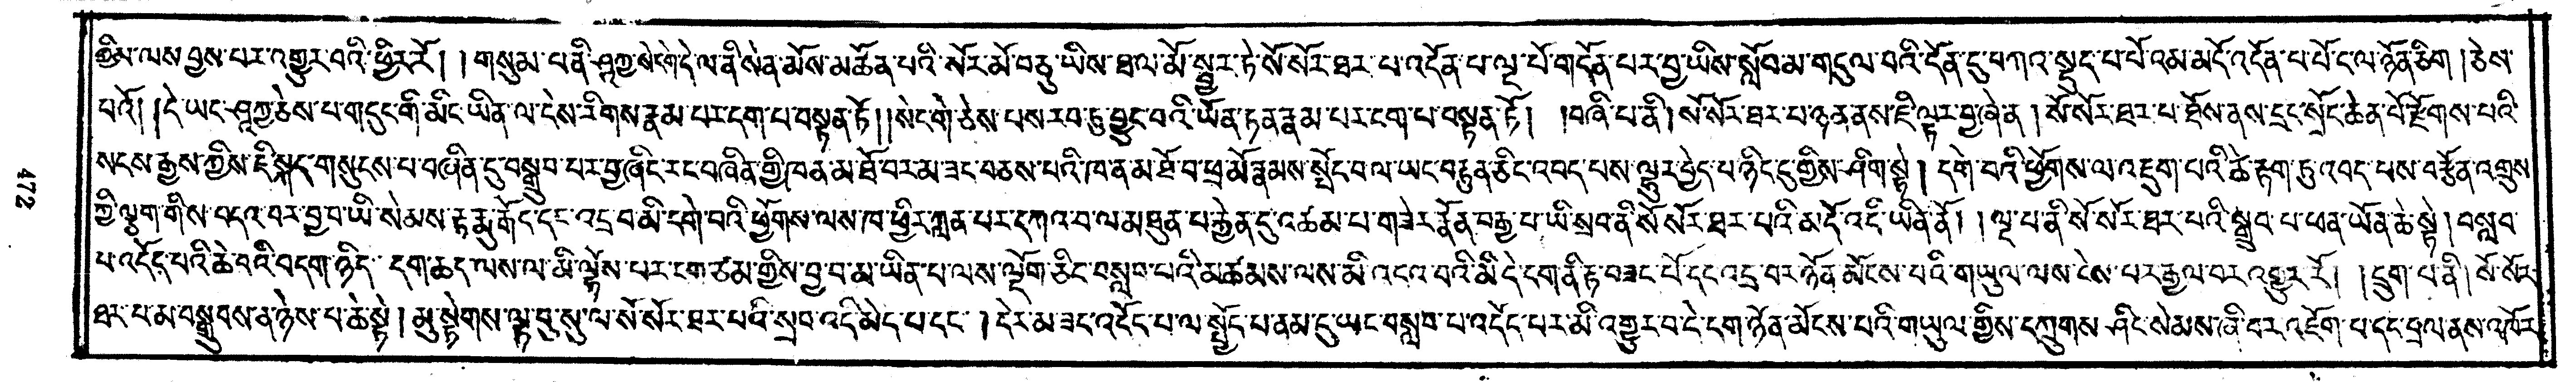གྱིམ་ལས་བྱས་པར་འགྱུར་བའི་ཕྱིར་རོ། །གསུམ་པ་ནི་ཤཱཀྱ་སེང་གེ་དེ་ལ་ནི་སེན་མོས་མཚོན་པའི་སོར་མོ་བཅུ་ཡིས་ཐལ་མོ་སྦྱར་ཏེ་སོ་སོར་ཐར་པ་འདོན་པ་ལྔ་པོ་གདོན་པར་བྱ་ཡིས་སློབ་མ་གདུལ་བའི་དོན་དུ་བཀའ་སྡུད་པ་པོ་འམ་མདོ་འདོན་པ་པོ་ང་ལ་ཉོན་ཅིག །ཅེས་
བའོ། །དེ་ཡང་ཤཱཀྱ་ཅེས་པ་གདུང་གི་མིང་ཡིན་ལ་ངེས་རིགས་རྣམ་པར་དག་པ་བསྟན་ཏོ། །སེང་གེ་ཅེས་པས་རབ་ཏུ་བྱུང་བའི་ཡོན་ཏན་རྣམ་པར་ངག་པ་བསྟན་ཏོ། །བཞི་པ་ནི། སོ་སོར་ཐར་པ་ཉན་ནས་ཇི་ལྟར་བྱ་ཞེ་ན་།སོ་སོར་ཐར་པ་ཐོས་ནས་དྲང་སྲོང་ཆེན་པོ་རྫོགས་པའི་
སངས་རྒྱས་ཀྱིས་ཇི་སྐད་གསུངས་པ་བཞིན་དུ་བསྒྲུབ་པར་བྱ་ཞིང་རང་བཞིན་གྱི་ཁ་ན་མ་ཐོ་བར་མ་ཟད་བཅས་པའི་ཁ་ན་མ་ཐོ་བ་ཕྲ་མོ་རྣམས་སྤོང་བ་ལ་ཡང་བརྟུན་ཅིང་འབད་པས་ལྷུར་བྱེད་པ་ཉིད་དུ་གྱིས་ཤིག་སྟེ། དགེ་བའི་ཕྱོགས་ལ་འཇུག་པའི་ཆེ་རྟག་ཏུ་འབད་པས་བརྩོན་འགྲུས་
ཀྱི་ལྕག་གིས་བདའ་བར་བྱ་བ་ཡི་སེམས་རྟ་རྨུ་རྒོད་དང་འདྲ་བ་མི་དགེ་བའི་ཕྱོགས་ལས་ཁ་ཕྱིར་ཀླན་པར་དཀའ་བ་ལ་མཐུན་པ་རྐྱེན་དུ་འཚམ་པ་གཟེར་རྣོན་བརྒྱ་པ་ཡི་སྲབ་ནི་སོ་སོར་ཐར་པའི་མདོ་འདི་ཡིན་ནོ། །ལྔ་པ་ནི་སོ་སོར་ཐར་པའི་སྒྲུབ་པ་ཕན་ཡོན་ཆེ་སྟེ། བསླབ་
པ་འདོད་པའི་ཆེ་བའི་བདག་ཉིད་དག་ཆད་ལས་ལ་མི་ལྟོས་པར་ངག་ཙམ་གྱིས་བྱ་བ་མ་ཡིན་པ་ལས་ལྡོག་ཅིང་བསླབ་པའི་མཚམས་ལས་མི་འདའ་བའི་མི་དེ་དག་ནི་རྟ་བཟང་པོ་དང་འདྲ་བར་ཉོན་མོངས་པའི་གཡུལ་ལས་ངེས་པར་རྒྱལ་བར་འགྱུར་རོ། །དྲུག་པ་ནི། སོ་སོར་
ཐར་པ་མ་བསྒྲུབས་ན་ཉེས་པ་ཆེ་སྟེ། མུ་སྟེགས་ལྟ་བུ་སུ་ལ་སོ་སོར་ཐར་པའི་སྲབ་འདི་མེད་པ་དང་། དེར་མ་ཟད་འདོད་པ་ལ་སྤྱོད་པ་ནམ་དུ་ཡང་བསླབ་པ་འདོད་པར་མི་འགྱུར་བ་དེ་དག་ཉོན་མོངས་པའི་གཡུལ་གྱིས་དཀྲུགས་ཤིང་སེམས་ཞི་བར་འཇོག་པ་དང་བྲལ་ནས་འཁོར་